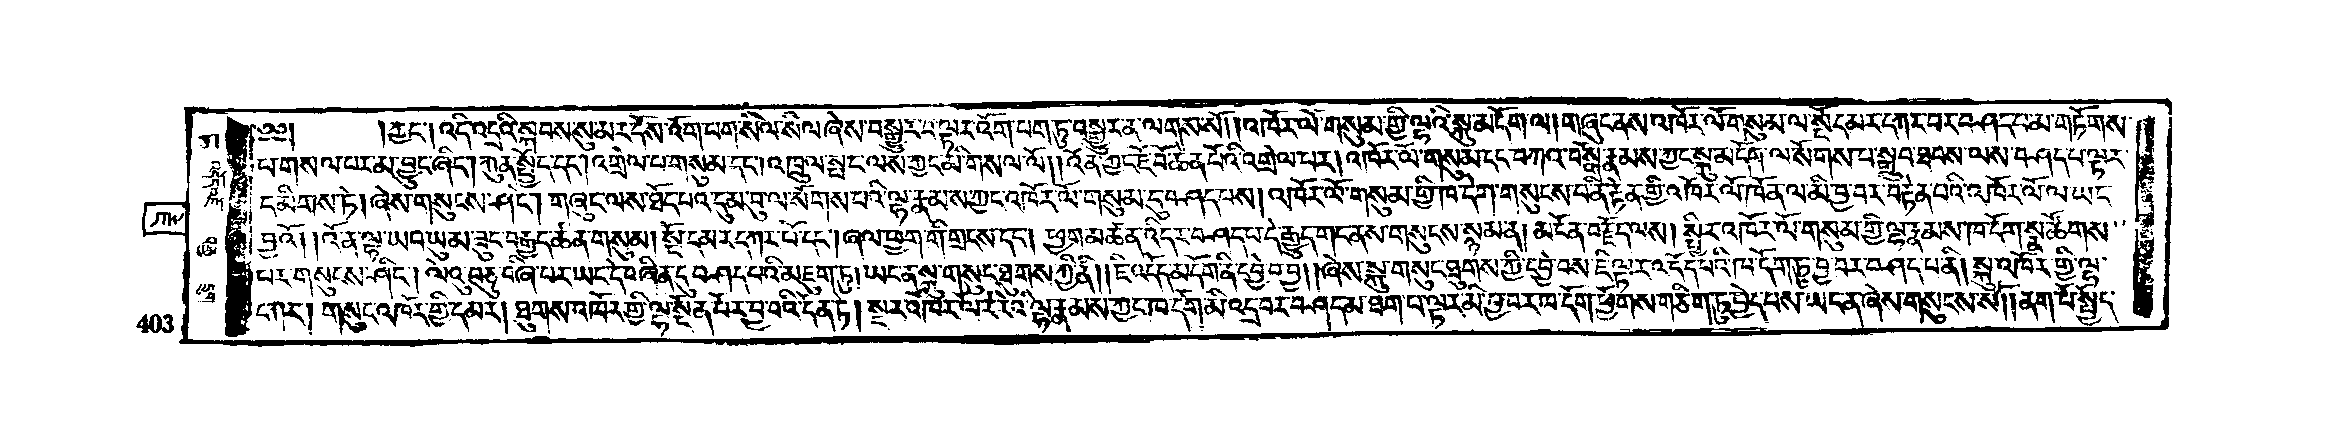༄༅། །ཀྱང་། འདི་འདྲའི་སྐབས་སུ་མར་དོས་འོག་པག་སིལ་སིལ་ཞེས་བསྒྱུར་བ་ལྟར་འོག་པག་ཏུ་བསྒྱུར་ན་ལེགས་སོ། །འཁོར་ལོ་གསུམ་གྱི་ལྷའི་སྐུ་མདོག་ལ། གཞུང་ནས་འཁོར་ལོ་གསུམ་ལ་སྔོ་དམར་དཀར་བར་བཤད་པ་མ་གཏོགས་
པ་གསལ་པར་མ་བྱུང་ཞིང་། ཀུན་སྤྱོད་དང་། འགྲེལ་པ་གསུམ་དང་། འཁྲུལ་སྤོང་ལས་ཀྱང་མི་གསལ་ལོ། །འོན་ཀྱང་ཇོ་བོ་ཆེན་པོའི་འགྲེལ་པར། འཁོར་ལོ་གསུམ་དང་བཀའ་བསྒོ་རྣམས་ཀྱང་སྐུ་མདོག་ལ་སོགས་པ་སྒྲུབ་ཐབས་ལས་བཤད་པ་ལྟར་
དམིགས་ཏེ། ཞེས་གསུངས་ཤིང་། གཞུང་ལས་ཐོད་པའི་དུམ་བུ་ལ་སོགས་པའི་ལྷ་རྣམས་ཀྱང་འཁོར་ལོ་གསུམ་དུ་བཤད་པས། འཁོར་ལོ་གསུམ་གྱི་ཁ་དོག་གསུངས་པ་ནི་རྟེན་གྱི་འཁོར་ལོ་ཁོ་ན་ལ་མི་བྱ་བར་བརྟེན་པའི་འཁོར་ལོ་ལ་ཡང་
བྱའོ། །འོ་ན་ལྷ་ཡང་ཡུམ་ཟུང་བརྒྱད་ཚན་གསུམ། སྔོ་དམར་དཀར་པོ་དང་། ཞལ་ཕྱག་གི་གྲངས་དང་། ཕྱག་མཚན་འདིར་བཤད་པ་དེ་རྒྱུད་གང་ནས་གསུངས་སྙམ་ན། མངོན་བརྗོད་ལས། སྤྱིར་འཁོར་ལོ་གསུམ་གྱི་ལྷ་རྣམས་ཁ་དོག་སྣ་ཚོགས་
པར་གསུངས་ཤིང་། ལེའུ་བཅུ་བཞི་པར་ཡང་དེ་བཞིན་དུ་བཤད་པའི་མཇུག་ཏུ། ཡང་ན་སྐུ་གསུང་ཐུགས་ཀྱི་ནི། །ཇི་འདོད་མདོག་ནི་དབྱེ་བ་བྱ། །ཞེས་སྐུ་གསུང་ཐུགས་ཀྱི་དབྱེ་བས་ཇི་ལྟར་འདོད་པའི་ཁ་དོག་ཏུ་བྱ་བར་བཤད་པ་ནི། སྐུ་འཁོར་གྱི་ལྷ་
དཀར། གསུང་འཁོར་གྱི་དམར། ཐུགས་འཁོར་གྱི་ལྷ་སྔོན་པོར་བྱ་བའི་དོན་ཏེ། སྔར་འཁོར་ལོ་རེ་རེའི་ལྷ་རྣམས་ཀྱང་ཁ་དོག་མི་འདྲ་བར་བཤད་མ་ཐག་པ་ལྟར་མི་བྱ་བར་ཁ་དོག་ཕྱོགས་གཅིག་ཏུ་བྱེད་པས་ཡང་ན་ཞེས་གསུངས་སོ། །ནག་པོ་སྤྱོད་